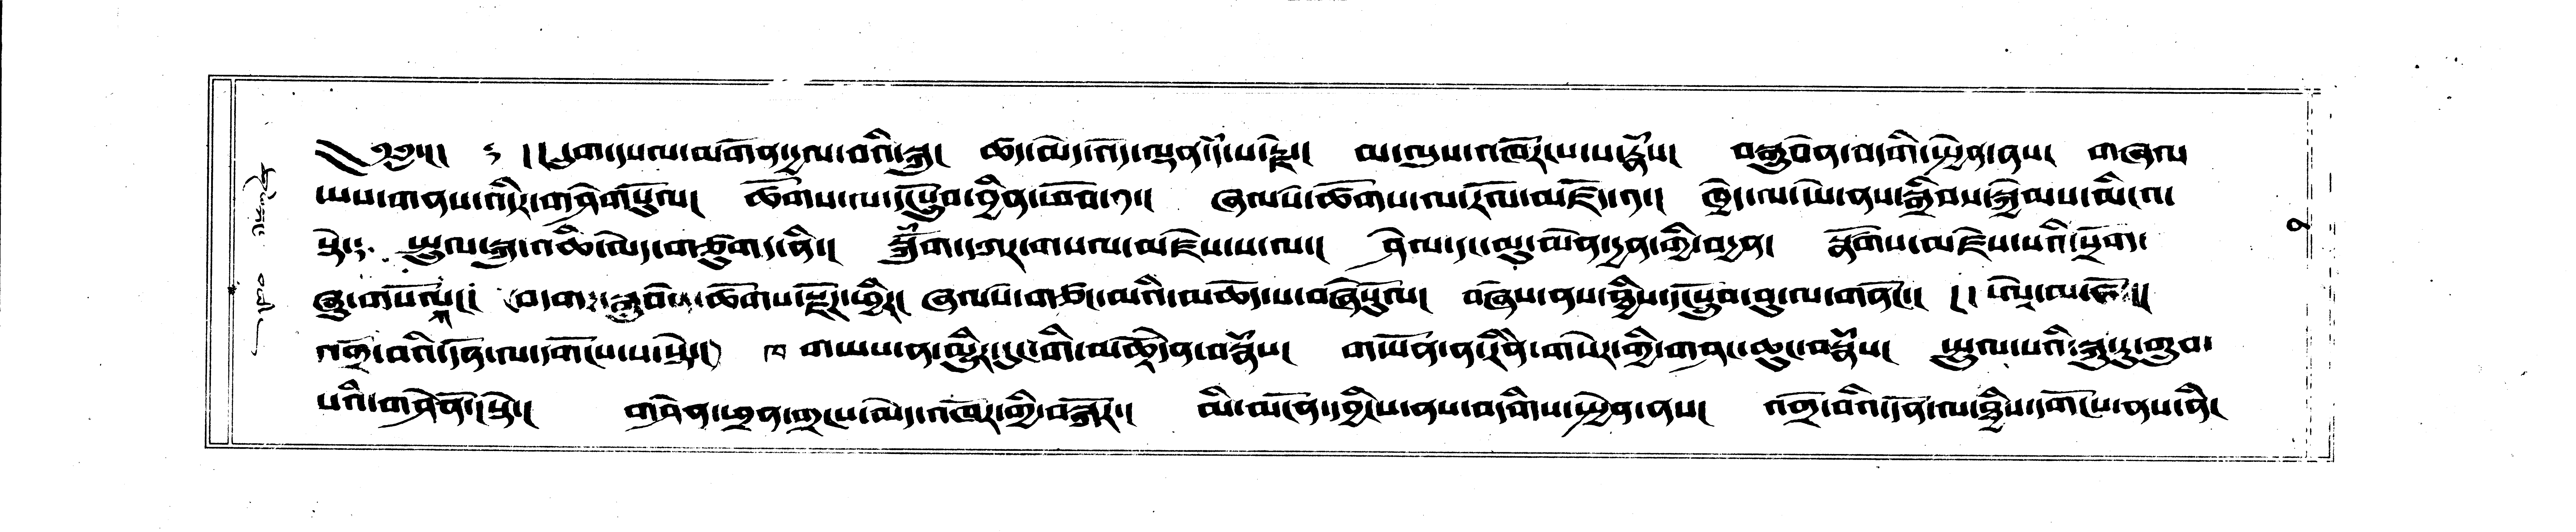དྲུག་དཔལ་མགོན་རྒྱལ་བའི་སྐུ། ཚད་མེད་འོད་ལྡན་དམ་པ་རྗེ། མ་ལུས་འཁོར་དང་བཅས་པ་རྣམས། བསྒྲུབ་ཆེན་བདག་གིས་སྤྱན་འདྲེན་ནས། གཞལ་
ཡས་གནས་འདིར་གཤེགས་སུ་གསོལ། ཚོགས་ལ་དངོས་གྲུབ་བྱིན་ཕོབ་གཅིག ཞལ་ཟས་ཚོགས་ལ་རོལ་མཛོད་ཅིག ཁྱེད་ལ་ཡེ་ནས་སྒྲིབས་སྐྱེམས་མི་མངའ་
སྟེ། སྤྲུལ་སྐུ་འཆི་མེད་གཙུག་ཕུད་ནི། སྐུ་མདོག་དཀར་གསལ་མཛེས་པ་ལ། ཤེལ་དང་མུ་མེན་རྒྱན་གྱིས་བརྒྱན། སྣ་ཚོགས་མཛེས་པའི་པྲོག་
ཞུ་གསོལ་ བདག་ཅག་སྒྲུབ་ཆེན་ཚོགས་རྫོགས་ཕྱིར། ཞལ་ཟས་གཙང་མའི་མཆོད་པ་བཞེས་སུ་གསོལ། བཞེས་ནས་ཐུགས་ཀྱི་དངོས་གྲུབ་བུ་ལ་གནོང་། །།ཨེ་མ་ཧོ།། 
འགྲོ་བའི་དོན་ལ་དགོངས་པ་སྟེ།གཡས་ན་མི་འགྱུར་དུང་གི་མཆོད་རྟེན་བསྣམས། གཡོན་ན་རིན་ཆེན་གསེར་གྱི་གཤང་ཆུང་བསྣམས། སྤྲུལ་པའི་སྐུ་རུ་གྲུབ་
པའི་གཤེན་པོ་སྟེ། གཤེན་ཕྲན་གྲངས་མེད་འཁོར་གྱི་བསྐོར། མི་མངོན་དབྱིངས་ནས་བདག་གིས་སྤྱན་འདྲེན་ནས། འགྲོ་བའི་དོན་ལ་ཐུགས་ཀྱི་དགོངས་ནས་ནི།